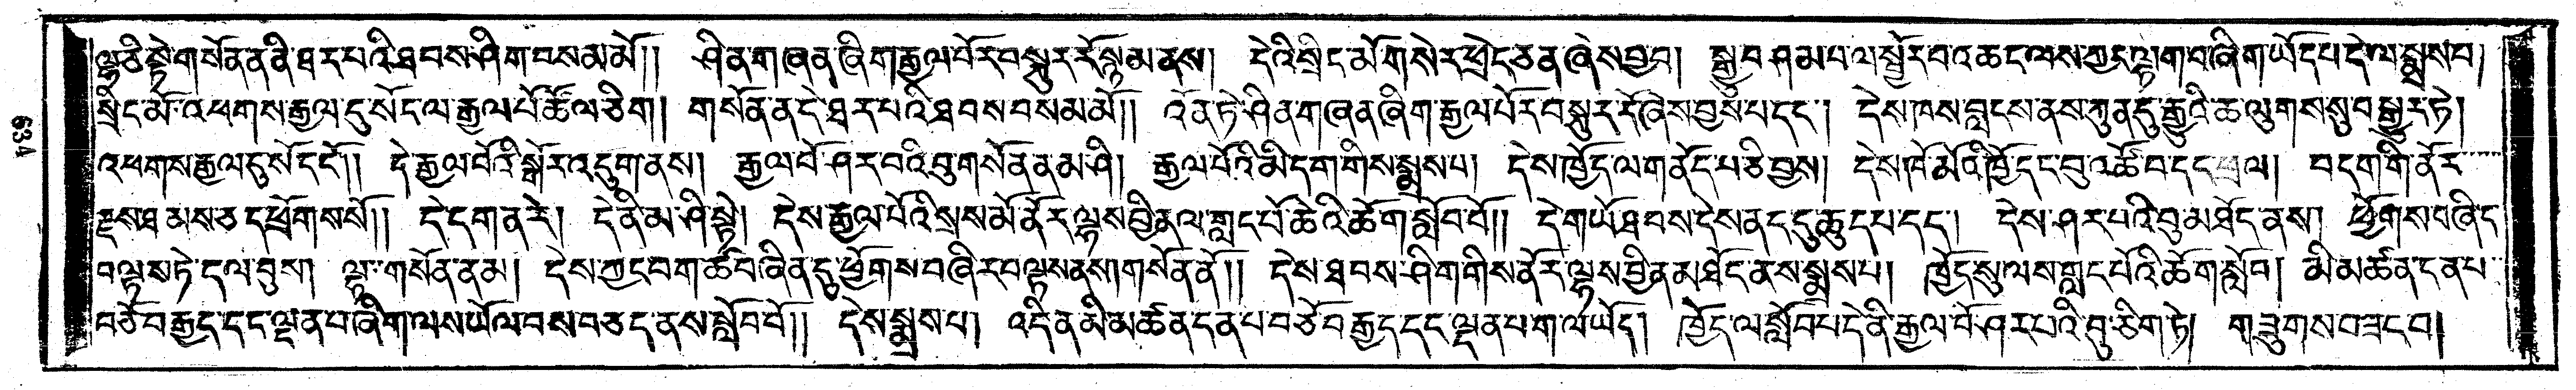ལྷ་ཅི་སྟེ་གསོན་ན་ནི་ཐར་པའི་ཐབས་ཤིག་བསམ་མོ།། ཤིན་གཞན་ཞིག་རྒྱལ་བོར་བསྐུར་རོ་སྙམ་ནས། དེའི་སྲིང་མོ་གསེར་ཕྲེང་ཅན་ཞེས་བྱ་བ། སྒྱུ་བཤམ་པ་ལ་སྦྱོར་བ་འཆང་ལས་ཀྱང་ལྷག་བ་ཞིག་ཡོད་པ་དེ་ལ་སྨྲས་པ།
སྲིང་མོ་འཕགས་རྒྱལ་དུ་སོང་ལ་རྒྱལ་པོ་ཚོལ་ཅིག། གསོན་ན་དེ་ཐར་པའི་ཐབས་བསམ་མོ།། འོན་ཏེ་ཤིན་གཞན་ཞིག་རྒྱལ་པོར་བསྐུར་རོ་ཞེས་བྱས་པ་དང་། དེས་ཁས་བླངས་ནས་ཀུན་དུ་རྒྱུའི་ཆ་ལུགས་སུ་བསྒྱུར་ཏེ།
འཕགས་རྒྱལ་དུ་སོང་ངོ།། དེ་རྒྱལ་བོའི་སྒོར་འདུག་ནས། རྒྱལ་པོ་ཤར་བའི་བུ་གསོན་ན་མ་ཤི། རྒྱལ་པོའི་མི་དག་གིས་སྨྲས་པ། དེས་ཁྱོད་ལ་གནོད་པ་ཅི་བྱས། དེས་ཁོ་མོའི་ཁྱོ་དང་བུ་འཚོ་བ་དང་ཕྲལ། བདག་གི་ནོར་
རྫས་ཐམས་ཅད་ཕྲོགས་སོ།། དེ་དག་ན་རེ། དེ་ནི་མ་ཤི་སྟེ། དེས་རྒྱལ་པོའི་སྲས་མོ་ནོར་ལྷས་བྱིན་ལ་གླང་པོ་ཆེའི་ཆོ་ག་སློབ་བོ།། དེ་གཡོ་ཐབས་དེས་ནང་དུ་ཆུད་པ་དང་། དེས་ཤར་པའི་བུ་མཐོད་ནས། ཕྱོགས་བཞི་ད་
བལྟས་ཏེ་དལ་བུས། ལྷ༑ གསོན་ནམ། དེས་ཀྱང་བག་ཚ་བཞིན་དུ་ཕྱོགས་བཞིར་བལྟས་ནས། གསོན་ནོ།། དེས་ཐབས་ཤིག་གིས་ནོར་ལྷས་བྱིན་མཐོང་ནས་སྨྲས་པ། ཁྱོད་སུ་ལས་གླང་པོའི་ཆོ་ག་སློབ། མི་མཚན་ངན་པ་
བཅོ་བརྒྱད་དང་ལྡན་པ་ཞིག་ལས་ཡོལ་བས་བཅད་ནས་སློབ་བོ།། དེས་སྨྲས་པ། འདི་ན་མི་མཚན་དན་པ་བཅོ་བརྒྱད་དང་ལྡན་པ་ག་ལ་ཡོད། ཁྱོད་ལ་སློབ་པ་དེ་ནི་རྒྱལ་བོ་ཤར་བའི་བུ་ཅིག་ཏེ། གཟུགས་བཟང་བ།